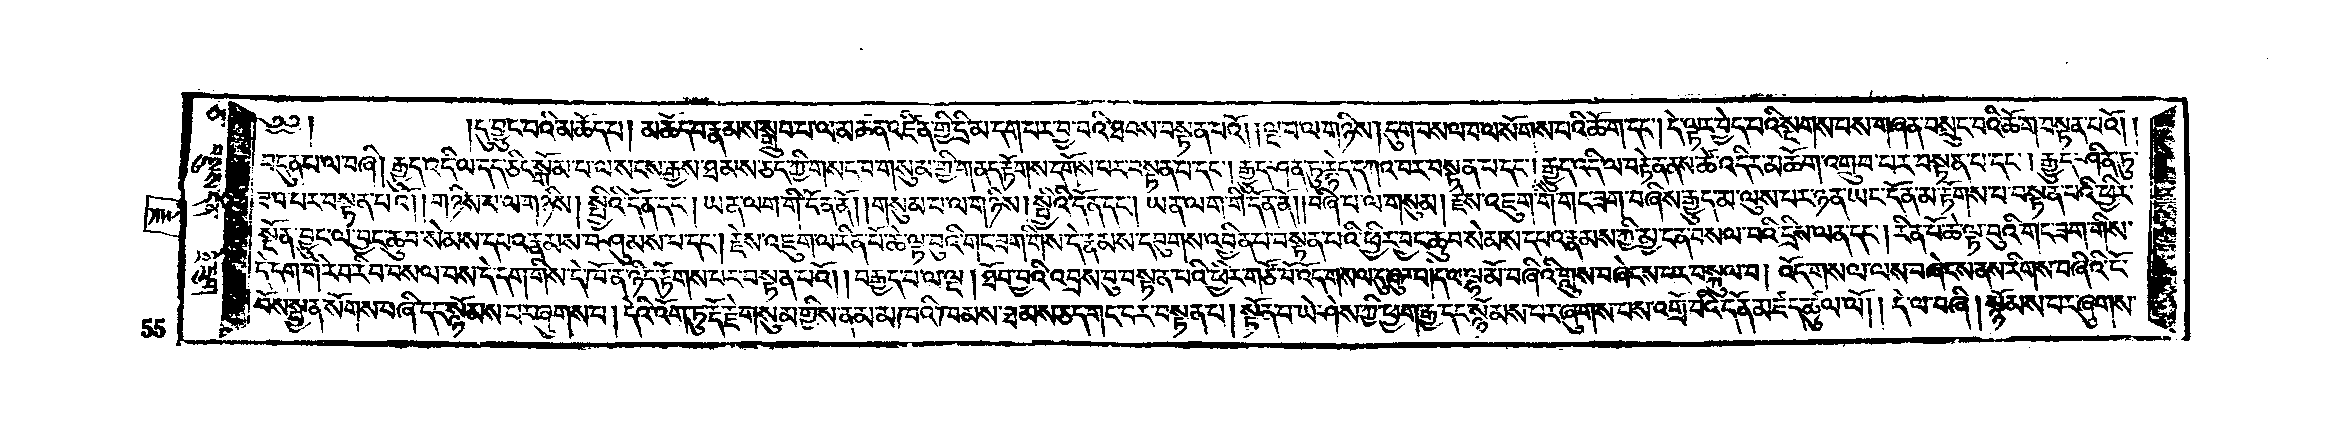༄༅། །དུ་བྱུང་བའི་མཆོད་པ། མཆོད་པ་རྣམས་སྒྲུབ་པ་ལ་མཚན་འཛིན་གྱི་དྲི་མ་དག་པར་བྱ་བའི་ཐབས་བསྟན་པའོ། །ལྔ་པ་ལ་གཉིས། དུག་བསལ་བ་ལ་སོགས་པའི་ཆོ་ག་དང་། དེ་ལྟར་བྱེད་པའི་སྔགས་པས་གཞན་བསྲུང་བའི་ཆོ་ག་བསྟན་པའོ། །
བདུན་པ་ལ་བཞི། རྒྱུད་འདི་ལ་དད་ཅིང་སྒོམ་པ་ལ་སངས་རྒྱས་ཐམས་ཅད་ཀྱི་གསང་བ་གསུམ་གྱི་གནད་རྟོགས་དགོས་པར་བསྟན་པ་དང་། རྒྱུད་ཤིན་ཏུ་རྙེད་དཀའ་བར་བསྟན་པ་དང་། རྒྱུད་འདི་ལ་བརྟེན་ནས་ཚེ་འདིར་མཆོག་འགྲུབ་པར་བསྟན་པ་དང་། རྒྱུད་ཤིན་ཏུ་
ཟབ་པར་བསྟན་པའོ། །གཉིས་པ་ལ་གཉིས། སྤྱིའི་དོན་དང་། ཡན་ལག་གི་དོན་ནོ། །གསུམ་པ་ལ་གཉིས། སྤྱིའི་དོན་དང་། ཡན་ལག་གི་དོན་ནོ། །བཞི་པ་ལ་གསུམ། རྗེས་འཇུག་གི་གང་ཟག་བཞིས་རྒྱུད་མ་ལུས་པར་ཉན་ཡང་དོན་མ་རྟོགས་པ་བསྟན་པའི་ཕྱིར་
སྔོན་བྱུང་ལ་བྱང་ཆུབ་སེམས་དཔའ་རྣམས་བཤུམས་པ་དང་། རྗེས་འཇུག་ལ་རིན་པོ་ཆེ་ལྟ་བུའི་གང་ཟག་གིས་དེ་རྣམས་དབུགས་འབྱིན་པ་བསྟན་པའི་ཕྱིར་བྱང་ཆུབ་སེམས་དཔའ་རྣམས་ཀྱི་མྱ་ངན་བསལ་བའི་དྲིས་ལན་དང་། རིན་པོ་ཆེ་ལྟ་བུའི་གང་ཟག་གིས་
དེ་དག་གི་རབ་རིབ་བསལ་བས་དེ་དག་གིས་དེ་ཁོ་ན་ཉིད་རྟོགས་པར་བསྟན་པའོ། །བརྒྱད་པ་ལ་ལྔ། ཐོབ་བྱའི་འབྲས་བུ་བསྟན་པའི་ཕྱིར་གཙོ་བོ་འོད་གསལ་དུ་ཞུགས་པ། དེ་ལ་ལྷ་མོ་བཞིའི་གླུས་བཞེངས་པར་བསྐུལ་བ། འོད་གསལ་ལས་བཞེངས་ནས་རིགས་བཞིའི་ངོ་
བོས་སྤྱན་སོགས་བཞི་དང་སྙོམས་པར་ཞུགས་པ། དེའི་འོག་ཏུ་རྡོ་རྗེ་གསུམ་གྱིས་ནམ་མཁའི་ཁམས་ཐམས་ཅད་གང་བར་བསྟན་པ། སྟོན་པ་ཡེ་ཤེས་ཀྱི་ཕྱག་རྒྱ་དང་སྙོམས་པར་ཞུགས་པས་འགྲོ་བའི་དོན་མཛད་ཚུལ་ལོ། །དེ་ལ་བཞི། སྙོམས་པར་ཞུགས་